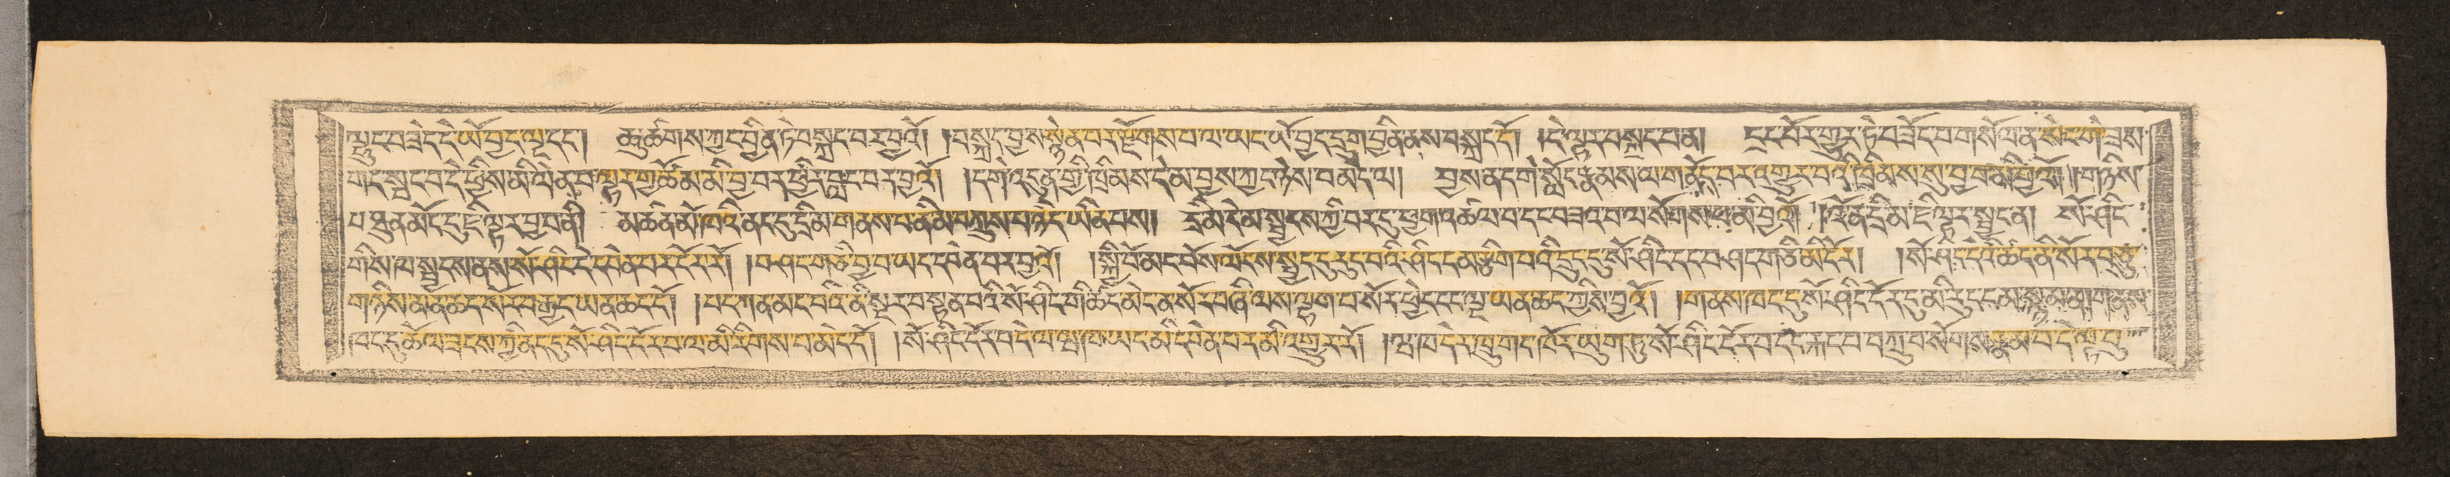ལྷུང་བཟེད་དེ་ཡོ་བྱང་ལྔ་དང་། ཆུ་ཚགས་ཀྱང་བྱིན་ཏེ་བསྐྲད་པར་བྱའོ། །བསྐྲད་བྱ་བསྙེན་པར་རྫོགས་པ་ལ་ཡང་ཡོ་བྱད་དྲུག་བྱིན་ནས་བསྐྲད་དོ། །དེ་ལྟར་བསྐྲད་པ་ན། དྲང་པོར་གྱུར་ཏེ་བཟོད་པ་གསོལ་ན་སེང་གེ་ཟས་
གང་སྤང་བ་དེ་ཕྱིས་མི་ལེན་པ་ལྟར་གྱ་ཚོམ་མི་བྱ་བར་ཕྱིར་བླང་བར་བྱའོ། །དགེ་འདུན་གྱི་ཁྲིམས་དེ་མ་བྱས་ཀྱང་ཉེས་པ་མེད་ལ། བྱས་ན་དགེ་སློད་རྣམས་ལ་གནོད་པར་འགྱུར་བའི་ཁྲིམས་སུ་བྱ་བ་མི་བྱའོ། །གཉིས་
པ་ཐུན་མོང་དུ་ཇི་ལྟར་བྱ་བ་ནི། མཚན་མོ་ཁའི་ནང་དུ་དྲི་མ་གནས་པ་ནི་མ་བཀྲུས་པ་ཉིད་ཡིན་པས། དྲི་མ་དེ་མ་སྦྱངས་ཀྱི་བར་དུ་ཕྱག་འཚལ་བ་དང་བཟའ་བ་ལ་སོགས་པ་མི་བྱའོ། །འོ་ན་དྲི་མ་ཇི་ལྟར་སྦྱངས། སོ་ཤིང་
གིས་ཁ་སྦྱངས་ནས་སོ་ཤིང་དེ་དབེན་པར་དོར་རོ། །བཤང་གཅི་བྱ་བ་ཡང་དབེན་པར་བྱའོ། །སྐྱེ་བོ་མང་པོས་པོངས་སྤྱད་དུ་རུང་བའི་ཤིང་ངམ་རྩིག་པའི་དྲུང་དུ་སོ་ཤིང་དང་བཤང་གཅི་མི་དོར། །སོ་ཤིང་དེའི་ཚད་ནི་སོར་བཅུ་
གཉིས་མན་ཆད་སོར་བརྒྱད་ཡན་ཆད་དོ། །བད་ཀན་མང་བའི་ནི་སྔར་བསྟན་པའི་སོ་ཤིང་གི་ཚད་མེད་ན་སོར་བཞི་ལས་ལྷག་པ་སོར་ཕྱེད་དང་ལྔ་ཡན་ཆད་ཀྱིས་བྱའོ། །གནས་ཁང་དུ་སོ་ཤིང་དོར་དུ་མི་རུང་ངམ་སྙམ་ན། གནས་
ཁང་དུ་ཆོལ་ཟངས་ཀྱི་ནང་དུ་སོ་ཤིང་དོར་བ་ལ་མི་རིགས་པ་མེད་དོ། །སོ་ཤིང་དོར་བ་དེ་ལ་ཝ་ཁ་ཡང་མི་དབེན་པར་མི་འགྱུར་རོ། །ཝ་ཁ་དེར་ཁྲུ་གང་ཁོར་ཡུག་ཏུ་སོ་ཤིང་དོར་བ་དང་རྐང་བ་བཀྲུ་བ་སོགས་རྣམ་པ་དེ་ལྟ་བུ་